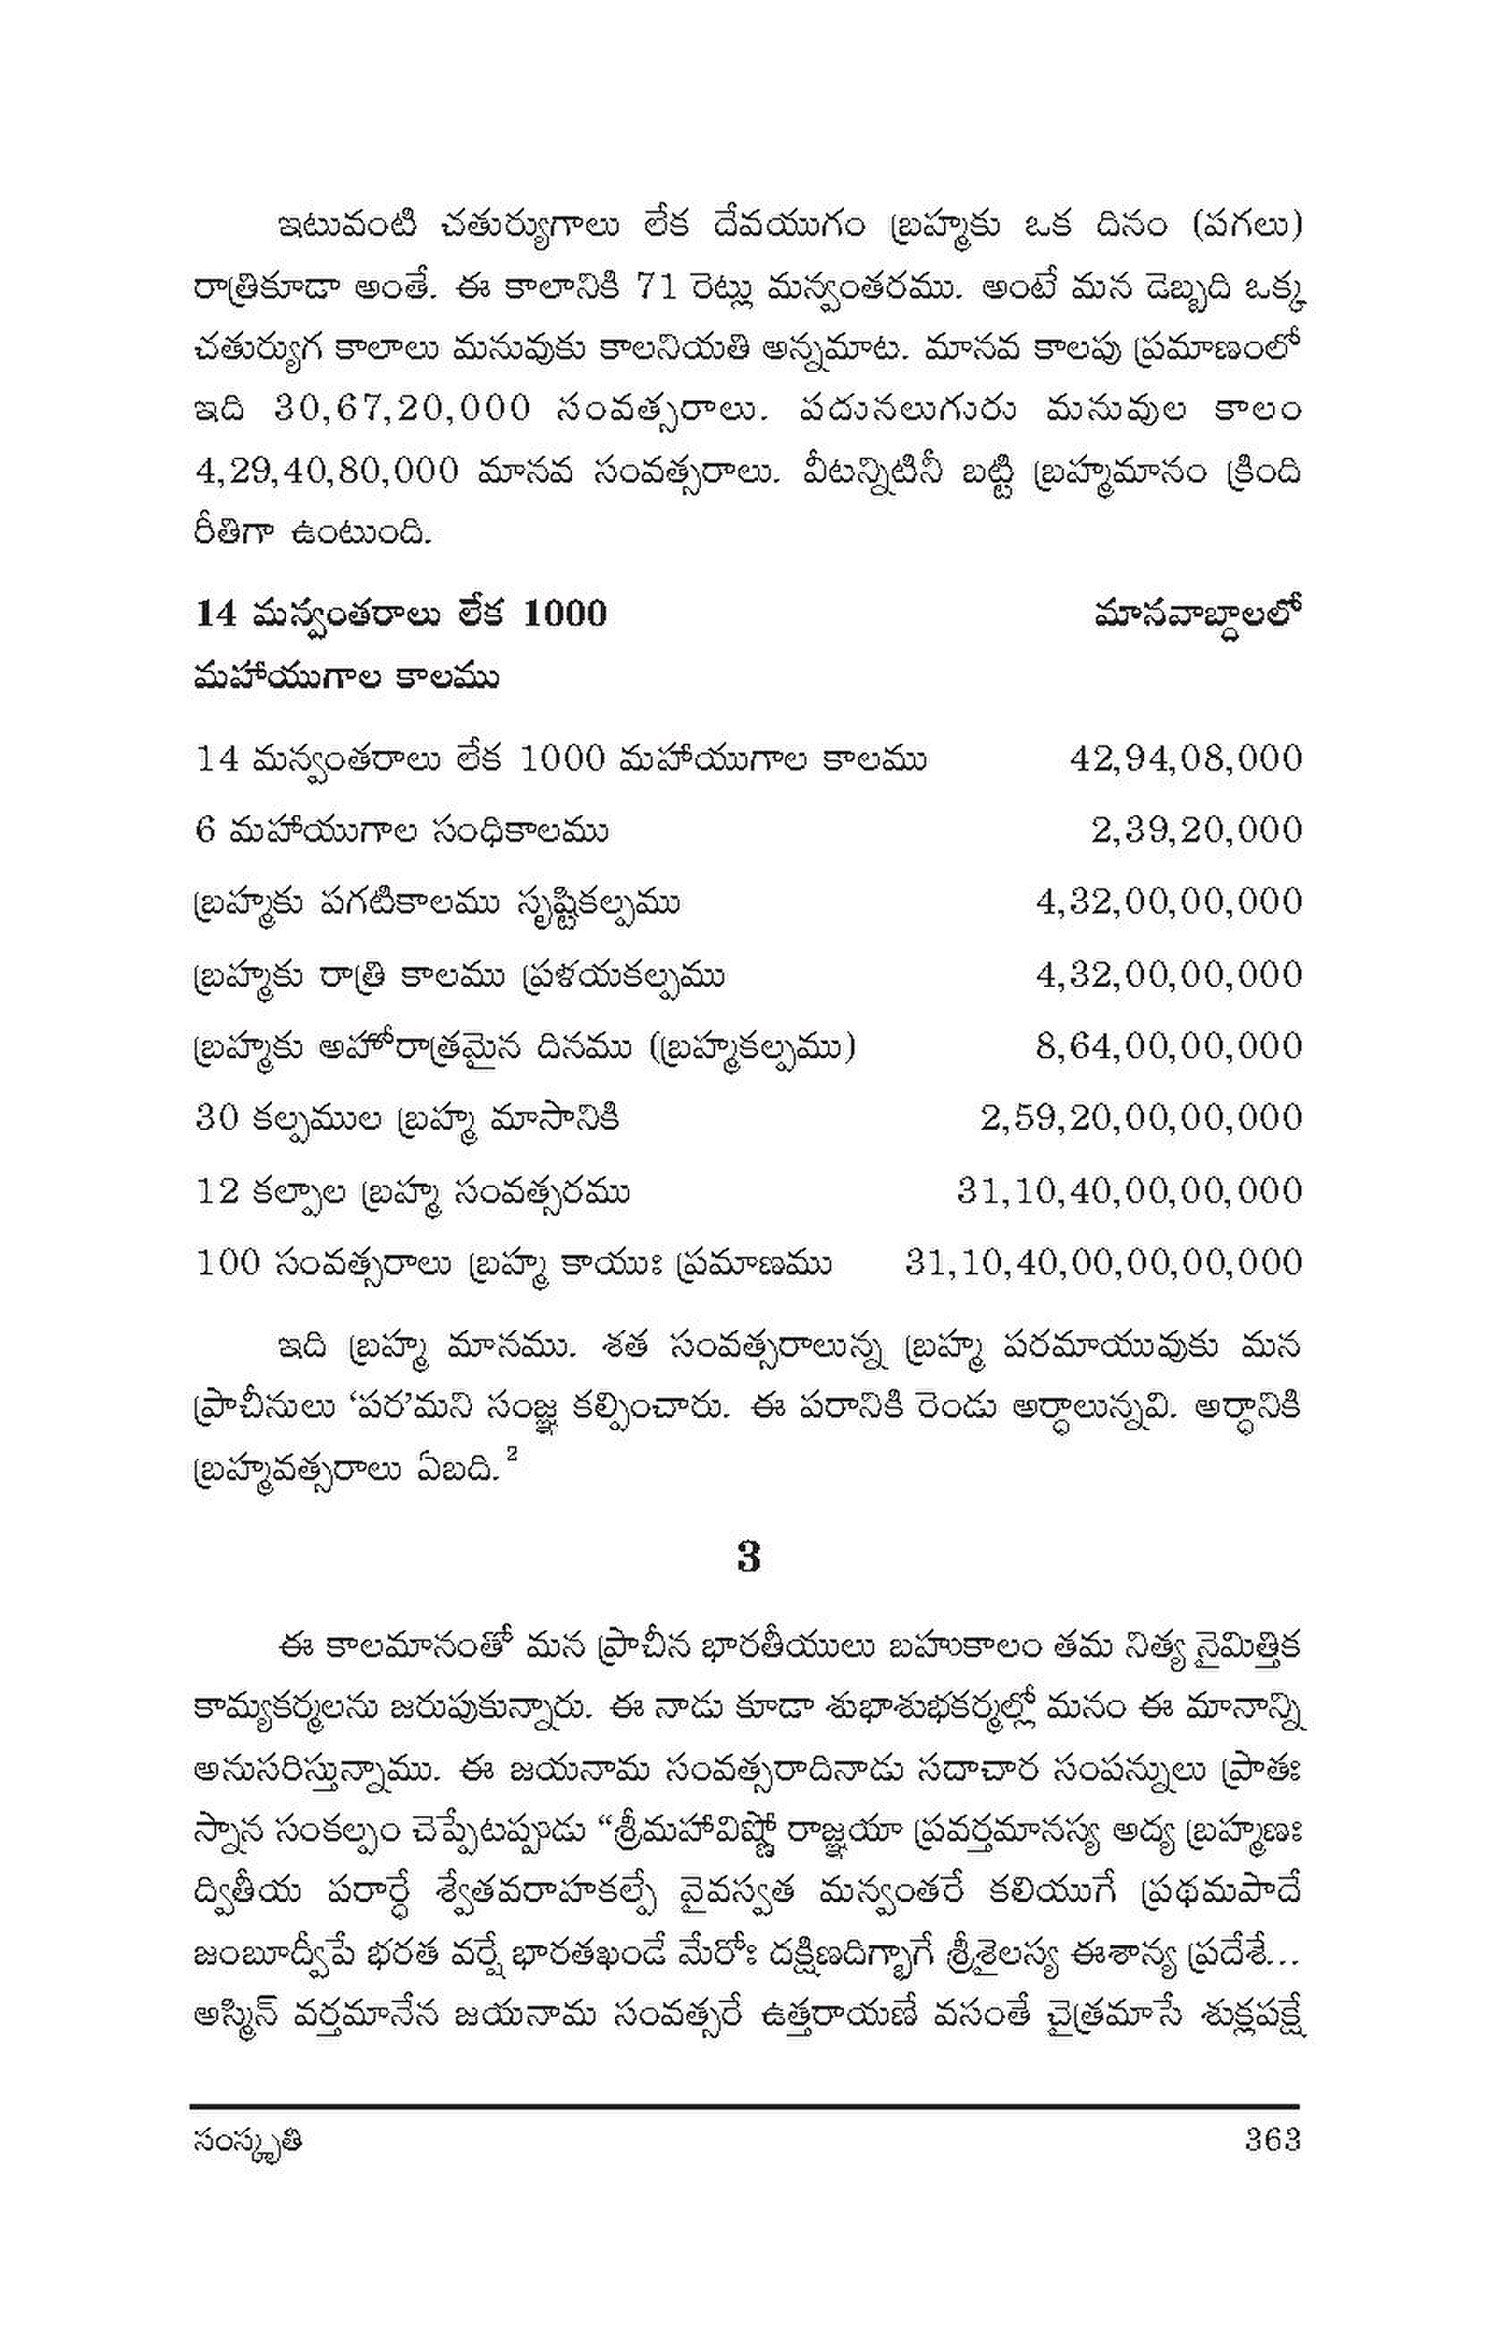ఇటువంటి చతుర్యుగాలు లేక దేవయుగం బ్రహ్మకు ఒక దినం (పగలు)
రాత్రికూడా అంతే. ఈ కాలానికి 71 రెట్లు మన్వంతరము. అంటే మన డెబ్బది ఒక్క
చతుర్యుగ కాలాలు మనువుకు కాలనియతి అన్నమాట. మానవ కాలపు ప్రమాణంలో
ఇది 30,67,20,000 సంవత్సరాలు. పదునలుగురు మనువుల కాలం
4,29,40,80,000 మానవ సంవత్సరాలు. వీటన్నిటినీ బట్టి బ్రహ్మమానం క్రింది
రీతిగా ఉంటుంది.
14 మన్వంతరాలు లేక 1000
మహాయుగాల కాలము

మానవాబ్దాలలో
14 మన్వంతరాలు లేక 1000 మహాయుగాల కాలము
42,94,08,000 
6 మహాయుగాల సంధికాలము
2,39,20,000 
బ్రహ్మకు పగటికాలము సృష్టికల్పము
4,32,00,00,000 
బ్రహ్మకు రాత్రి కాలము ప్రళయకల్పము
4,32,00,00,000
బ్రహ్మకు అహోరాత్రమైన దినము (బ్రహ్మకల్పము)
8,64,00,00,000
30 కల్పముల బ్రహ్మ మాసానికి
2,59,20,00,00,000
12 కల్పాల బ్రహ్మ సంవత్సరము
31,10,40,00,00,000 
100 సంవత్సరాలు బ్రహ్మ కాయుః ప్రమాణము
31,10,40,00,00,00,000 
ఇది బ్రహ్మ మానము. శత సంవత్సరాలున్న బ్రహ్మ పరమాయువుకు మన
ప్రాచీనులు 'పర'మని సంజ్ఞ కల్పించారు. ఈ పరానికి రెండు అర్థాలున్నవి. అర్ధానికి
బ్రహ్మవత్సరాలు ఏబది.

ఈ కాలమానంతో మన ప్రాచీన భారతీయులు బహుకాలం తమ నిత్య నైమిత్తిక
కామ్యకర్మలను జరుపుకున్నారు. ఈ నాడు కూడా శుభాశుభకర్మల్లో మనం ఈ మానాన్ని
అనుసరిస్తున్నాము. ఈ జయనామ సంవత్సరాదినాడు సదాచార సంపన్నులు ప్రాతః
స్నాన సంకల్పం చెప్పేటప్పుడు "శ్రీమహావిష్ణో రాజ్ఞయా ప్రవర్తమానస్య అద్య బ్రహ్మణః
ద్వితీయ పరార్థే శ్వేతవరాహకల్పే వైవస్వత మన్వంతరే కలియుగే ప్రథమపాదే
జంబూద్వీపే భరత వర్షే భారతఖండే మేరోః దక్షిణదిగ్భాగే శ్రీశైలస్య ఈశాన్య ప్రదేశ్...
అస్మిన్ వర్తమానేన జయనామ సంవత్సరే ఉత్తరాయణే వసంతే చైత్రమాసే శుక్లపక్షే